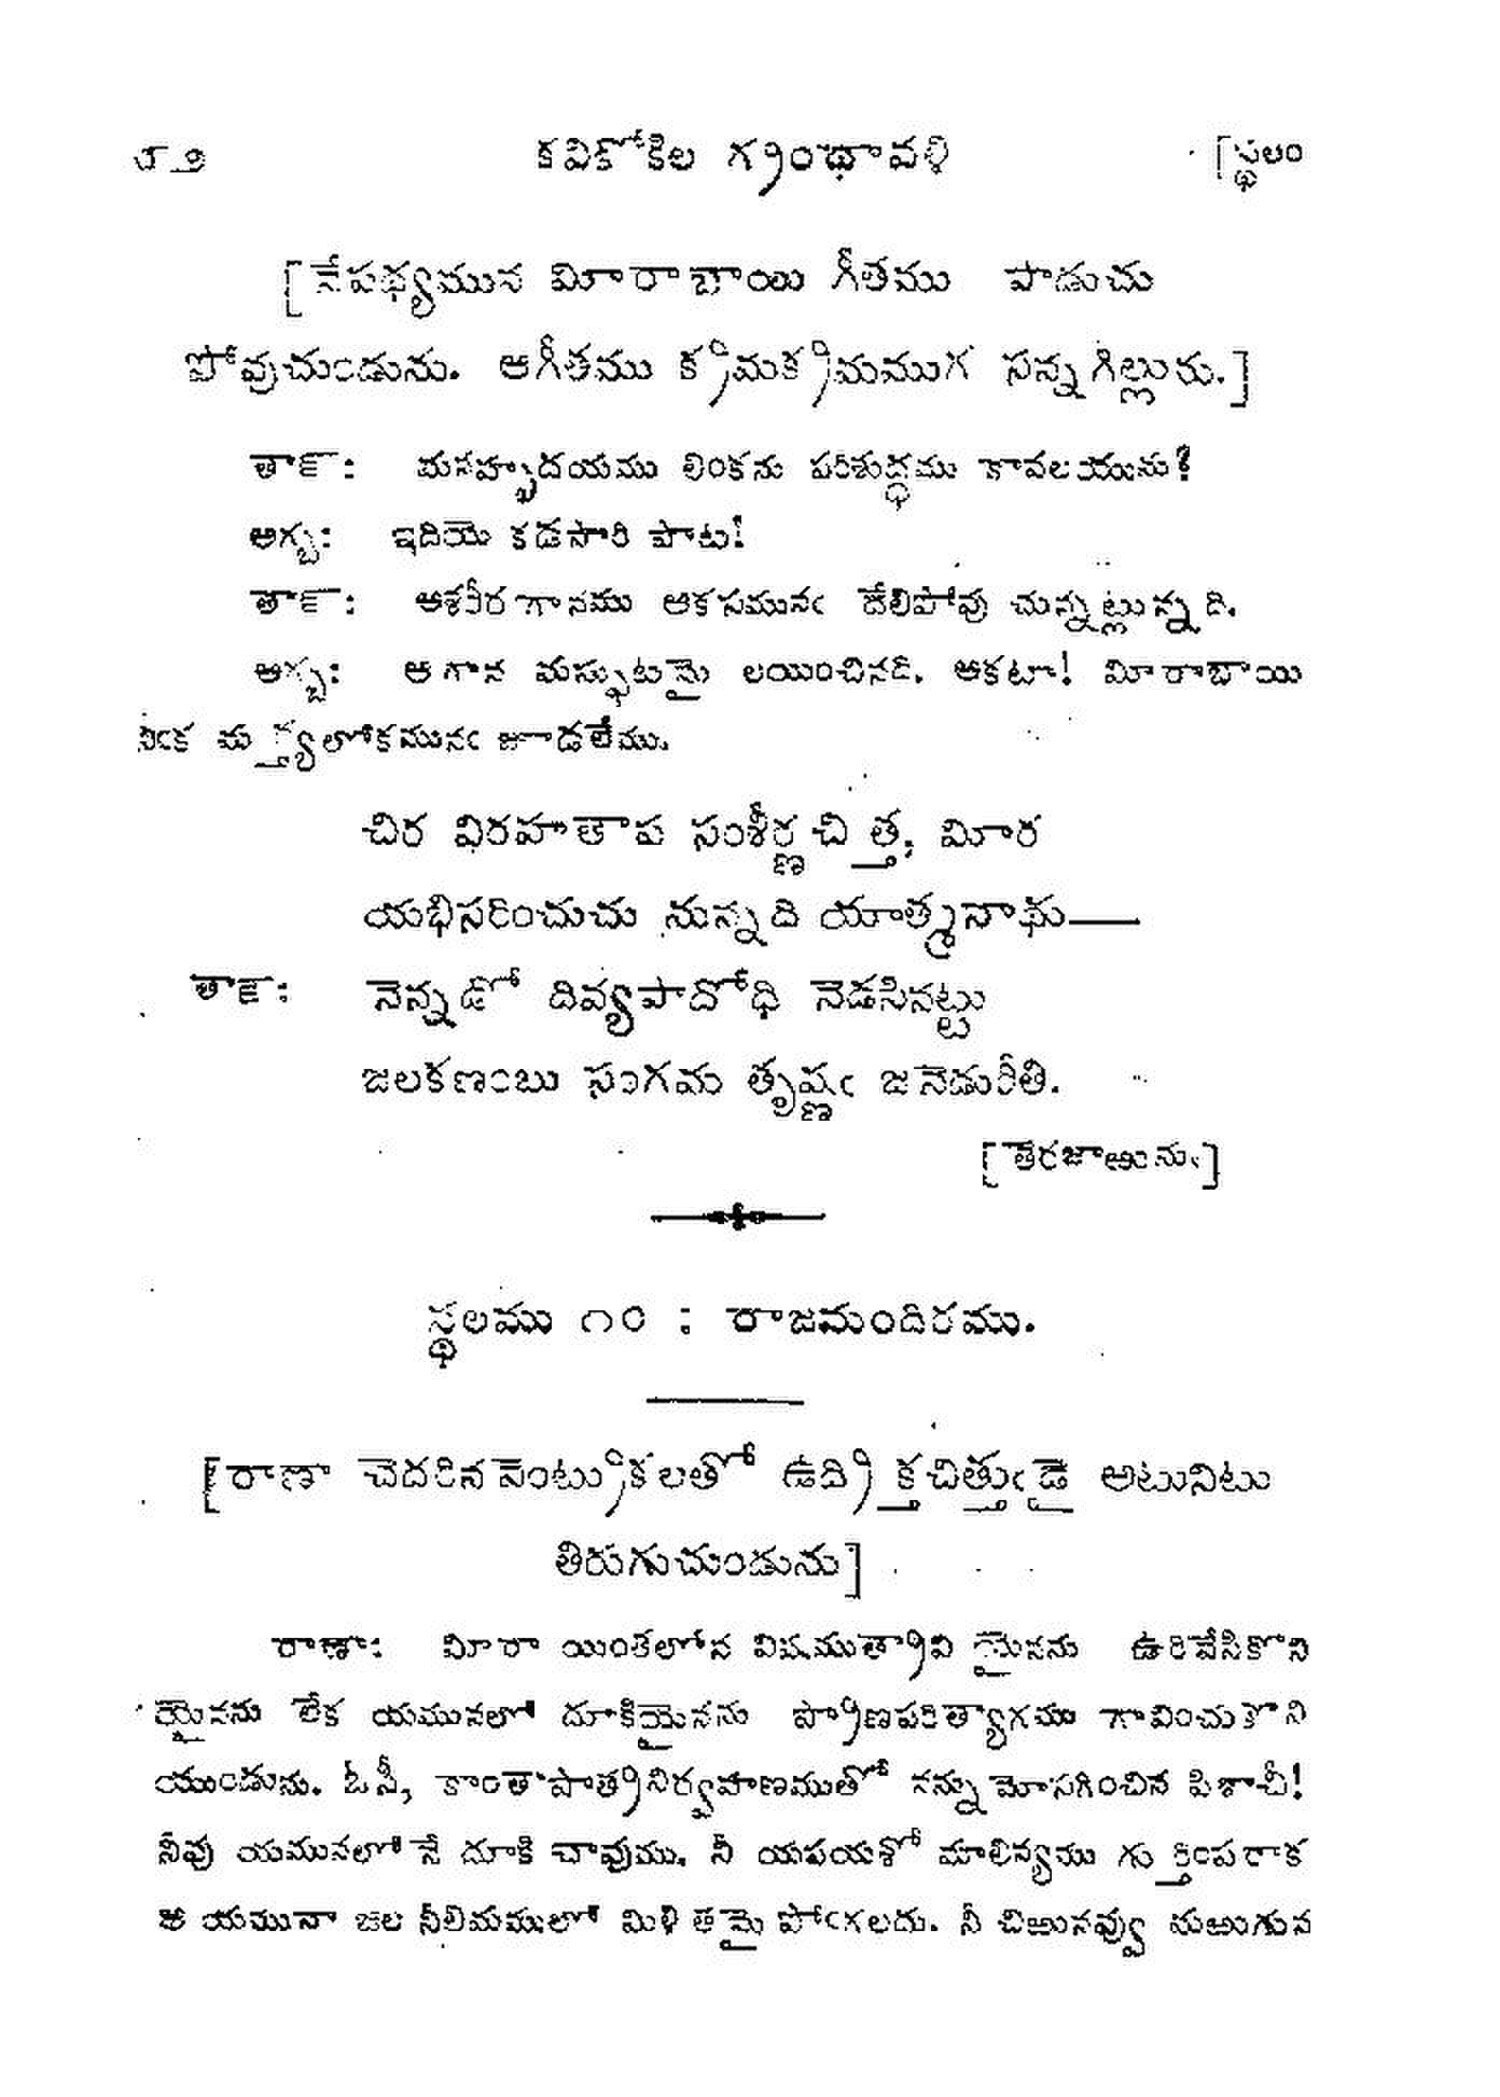తాన్ : మనహృదయము లింకను పరిశుద్ధము కావలయును?

అగ్బ : ఇదియె కడసారి పాట!

తాన్ : అశరీర గానము ఆకసమునఁ దేలిపోవు చున్నట్లున్నది.

అగ్బ : ఆ గాన మస్ఫుటమై లయించినది. అకటా ! మీరాబాయి నిఁక మర్త్యలోకమునఁ జూడలేము.

 చిర విరహతాప సంశీర్ణ చిత్త, మీర
 యభిసరించుచు నున్నది యాత్మనాథు -
 తాన్ : నెన్నడో దివ్యపాదోధి నెడసినట్టు
 జలకణంబు సంగమ తృష్ణఁ జనెడురీతి.
 [తెరజాఱును.]

రాణా : మీరా యింతలోన విషముత్రావి యైనను ఉరివేసుకొని యైనను లేక యమునలో దూకియైనను ప్రాణపరిత్యాగము గావించుకొని యుండును. ఓసీ, కాంతాపాత్రనిర్వహణముతో నన్ను మోసగించిన పిశాచీ! నీవు యమునలోనే దూకి చావుము. నీ యపయశో మాలిన్యము గుర్తింపరాక ఆ యమునా జలనీలిమములో మిళితమై పోఁగలదు. నీ చిఱునవ్వు మఱుగున